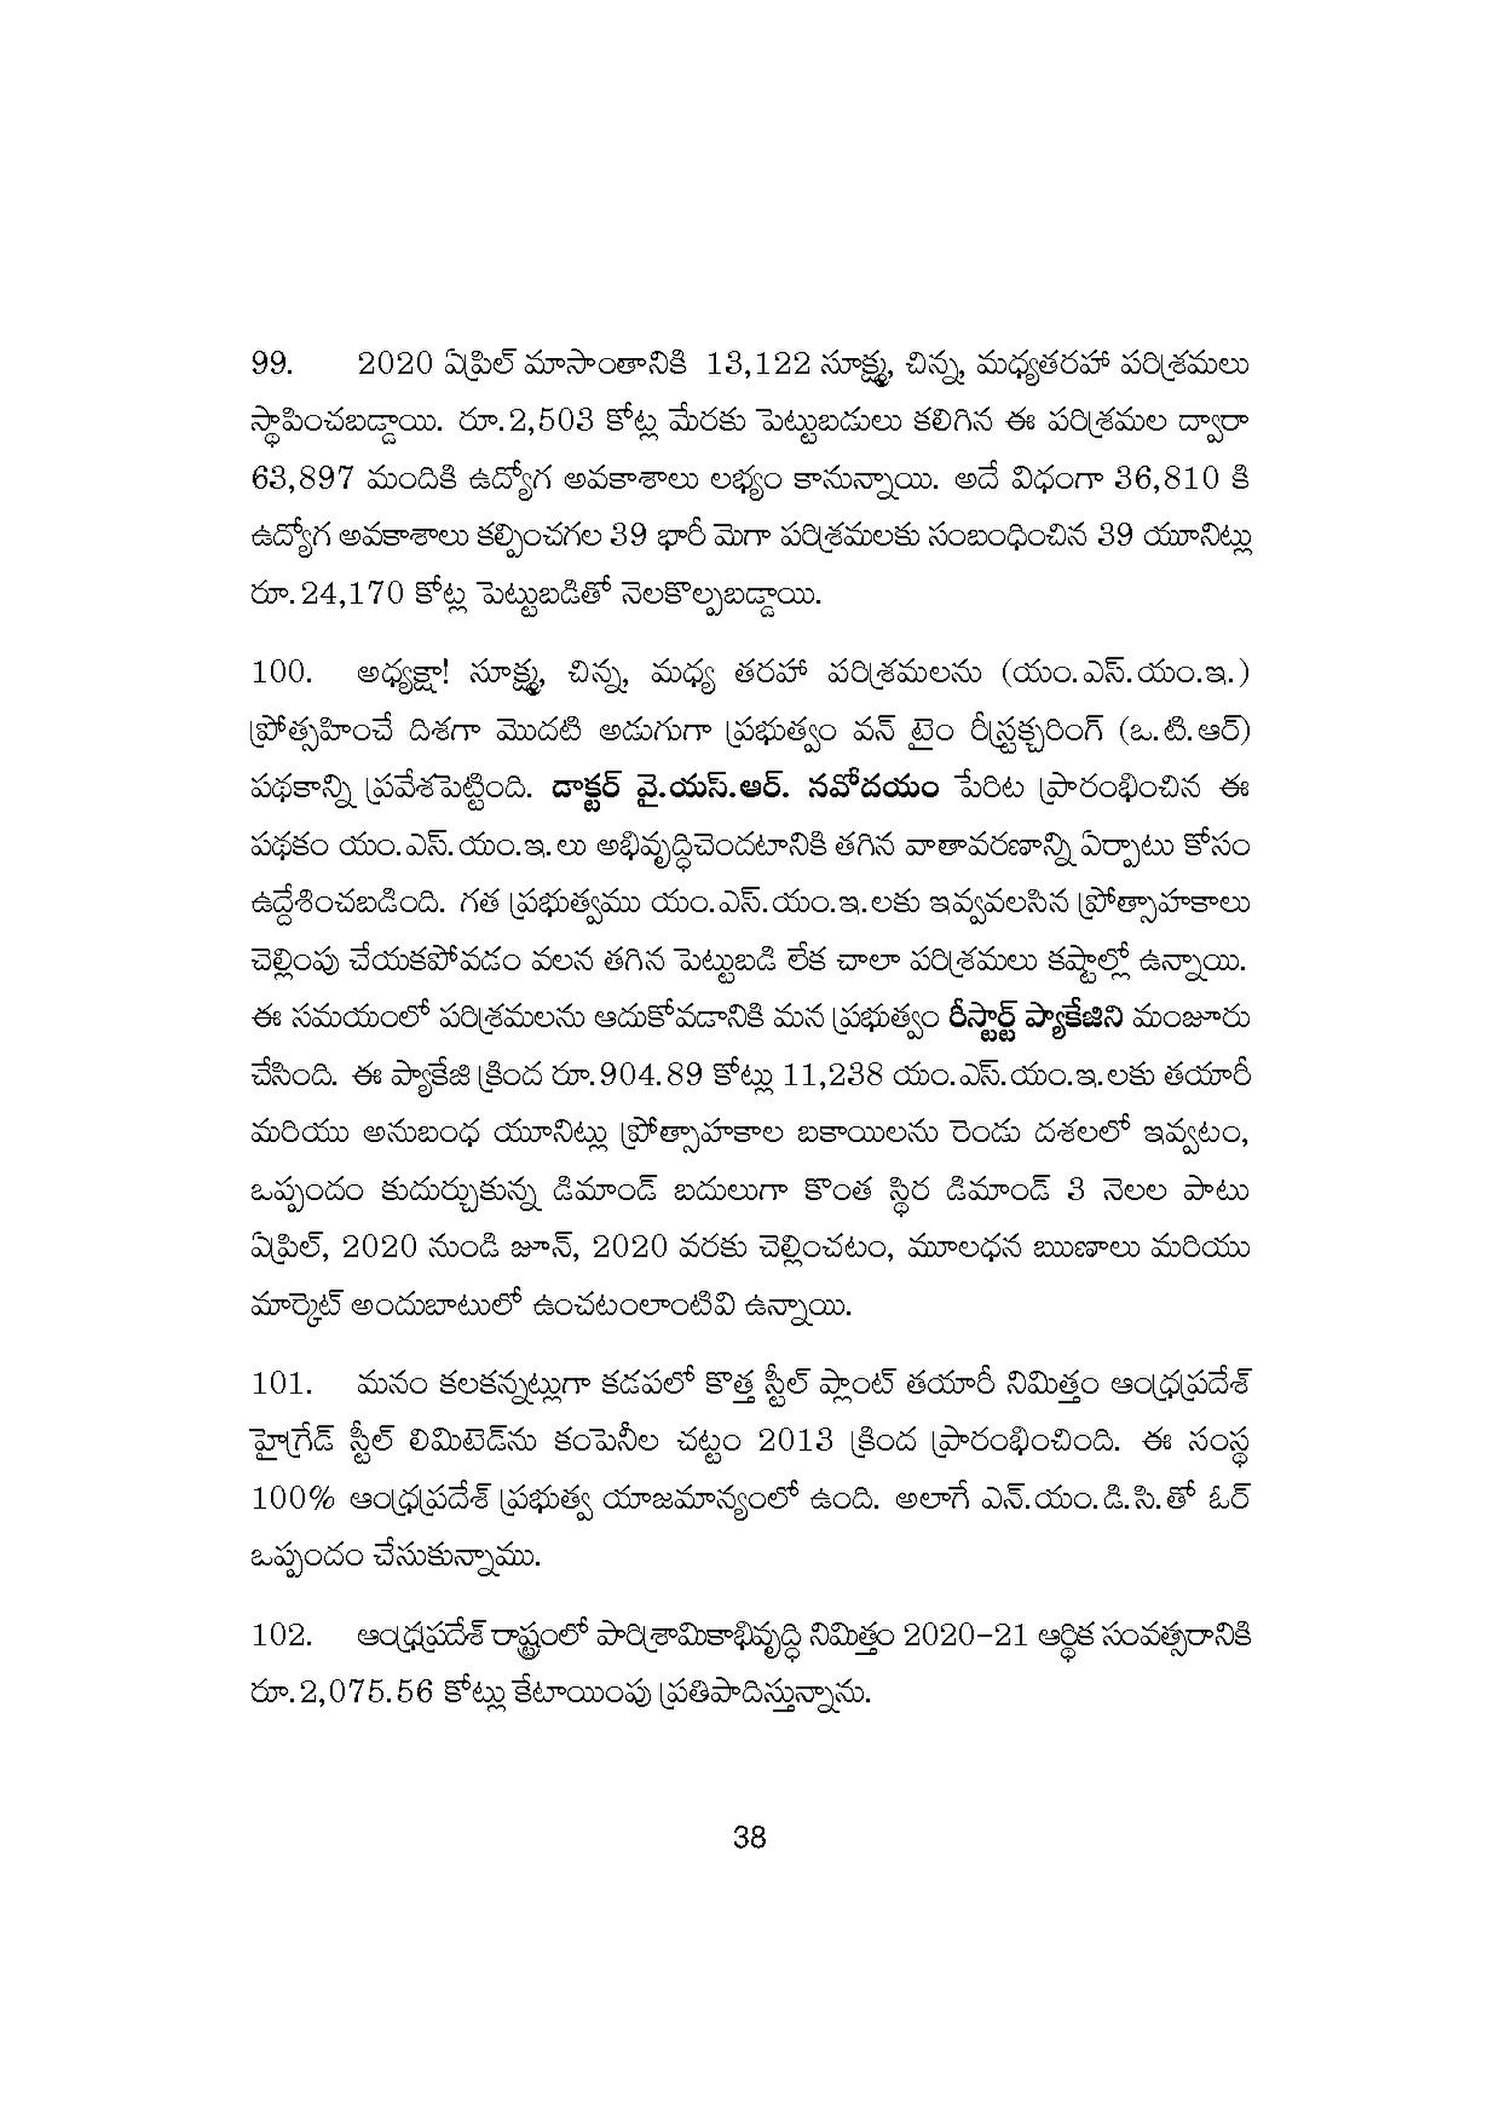99. 2020 ఏప్రిల్ మాసాంతానికి 13,122 సూక్ష్మ, చిన్న, మధ్యతరహా పరిశ్రమలు స్థాపించబడ్డాయి. రూ.2,503 కోట్ల మేరకు పెట్టుబడులు కలిగిన ఈ పరిశ్రమల ద్వారా 63,897 మందికి ఉద్యోగ అవకాశాలు లభ్యం కానున్నాయి. అదే విధంగా 36,810 కి ఉద్యోగ అవకాశాలు కల్పించగల 39 భారీ మెగా పరిశ్రమలకు సంబంధించిన 39 యూనిట్లు రూ. 24,170 కోట్ల పెట్టుబడితో నెలకొల్పబడ్డాయి. 

100. అధ్యక్షా! సూక్ష్మ, చిన్న, మధ్య తరహా పరిశ్రమలను (యం.ఎస్.యం.ఇ.) ప్రోత్సహించే దిశగా మొదటి అడుగుగా ప్రభుత్వం వన్ టైం రీస్టక్చరింగ్ (ఒ.టి.ఆర్) పథకాన్ని ప్రవేశపెట్టింది. డాక్టర్ వై.యస్.ఆర్. నవోదయం పేరిట ప్రారంభించిన ఈ పథకం యం.ఎస్.యం.ఇ.లు అభివృద్ధి చెందటానికి తగిన వాతావరణాన్ని ఏర్పాటు కోసం ఉద్దేశించబడింది. గత ప్రభుత్వము యం.ఎస్.యం.ఇ.లకు ఇవ్వవలసిన ప్రోత్సాహకాలు చెల్లింపు చేయకపోవడం వలన తగిన పెట్టుబడి లేక చాలా పరిశ్రమలు కష్టాల్లో ఉన్నాయి. ఈ సమయంలో పరిశ్రమలను ఆదుకోవడానికి మన ప్రభుత్వం రీస్టార్ట్ ప్యాకేజిని మంజూరు చేసింది. ఈ ప్యాకేజి క్రింద రూ.904.89 కోట్లు 11,238 యం.ఎస్.యం.ఇ.లకు తయారీ మరియు అనుబంధ యూనిట్లు ప్రోత్సాహకాల బకాయిలను రెండు దశలలో ఇవ్వటం, ఒప్పందం కుదుర్చుకున్న డిమాండ్ బదులుగా కొంత స్థిర డిమాండ్ 3 నెలల పాటు ఏప్రిల్, 2020 నుండి జూన్, 2020 వరకు చెల్లించటం, మూలధన ఋణాలు మరియు మార్కెట్ అందుబాటులో ఉంచటంలాంటివి ఉన్నాయి. 

101. మనం కలకన్నట్లుగా కడపలో కొత్త స్టీల్ ప్లాంట్ తయారీ నిమిత్తం ఆంధ్రప్రదేశ్ హైగ్రేడ్ స్టీల్ లిమిటెడ్ ను కంపెనీల చట్టం 2013 క్రింద ప్రారంభించింది. ఈ సంస్థ 100% ఆంధ్రప్రదేశ్ ప్రభుత్వ యాజమాన్యంలో ఉంది. అలాగే ఎన్.యం.డి.సి.తో ఓర్ ఒప్పందం చేసుకున్నాము. 

102. ఆంధ్రప్రదేశ్ రాష్ట్రంలో పారిశ్రామికాభివృద్ధి నిమిత్తం 2020-21 ఆర్థిక సంవత్సరానికి రూ.2,075.56 కోట్లు కేటాయింపు ప్రతిపాదిస్తున్నాను.